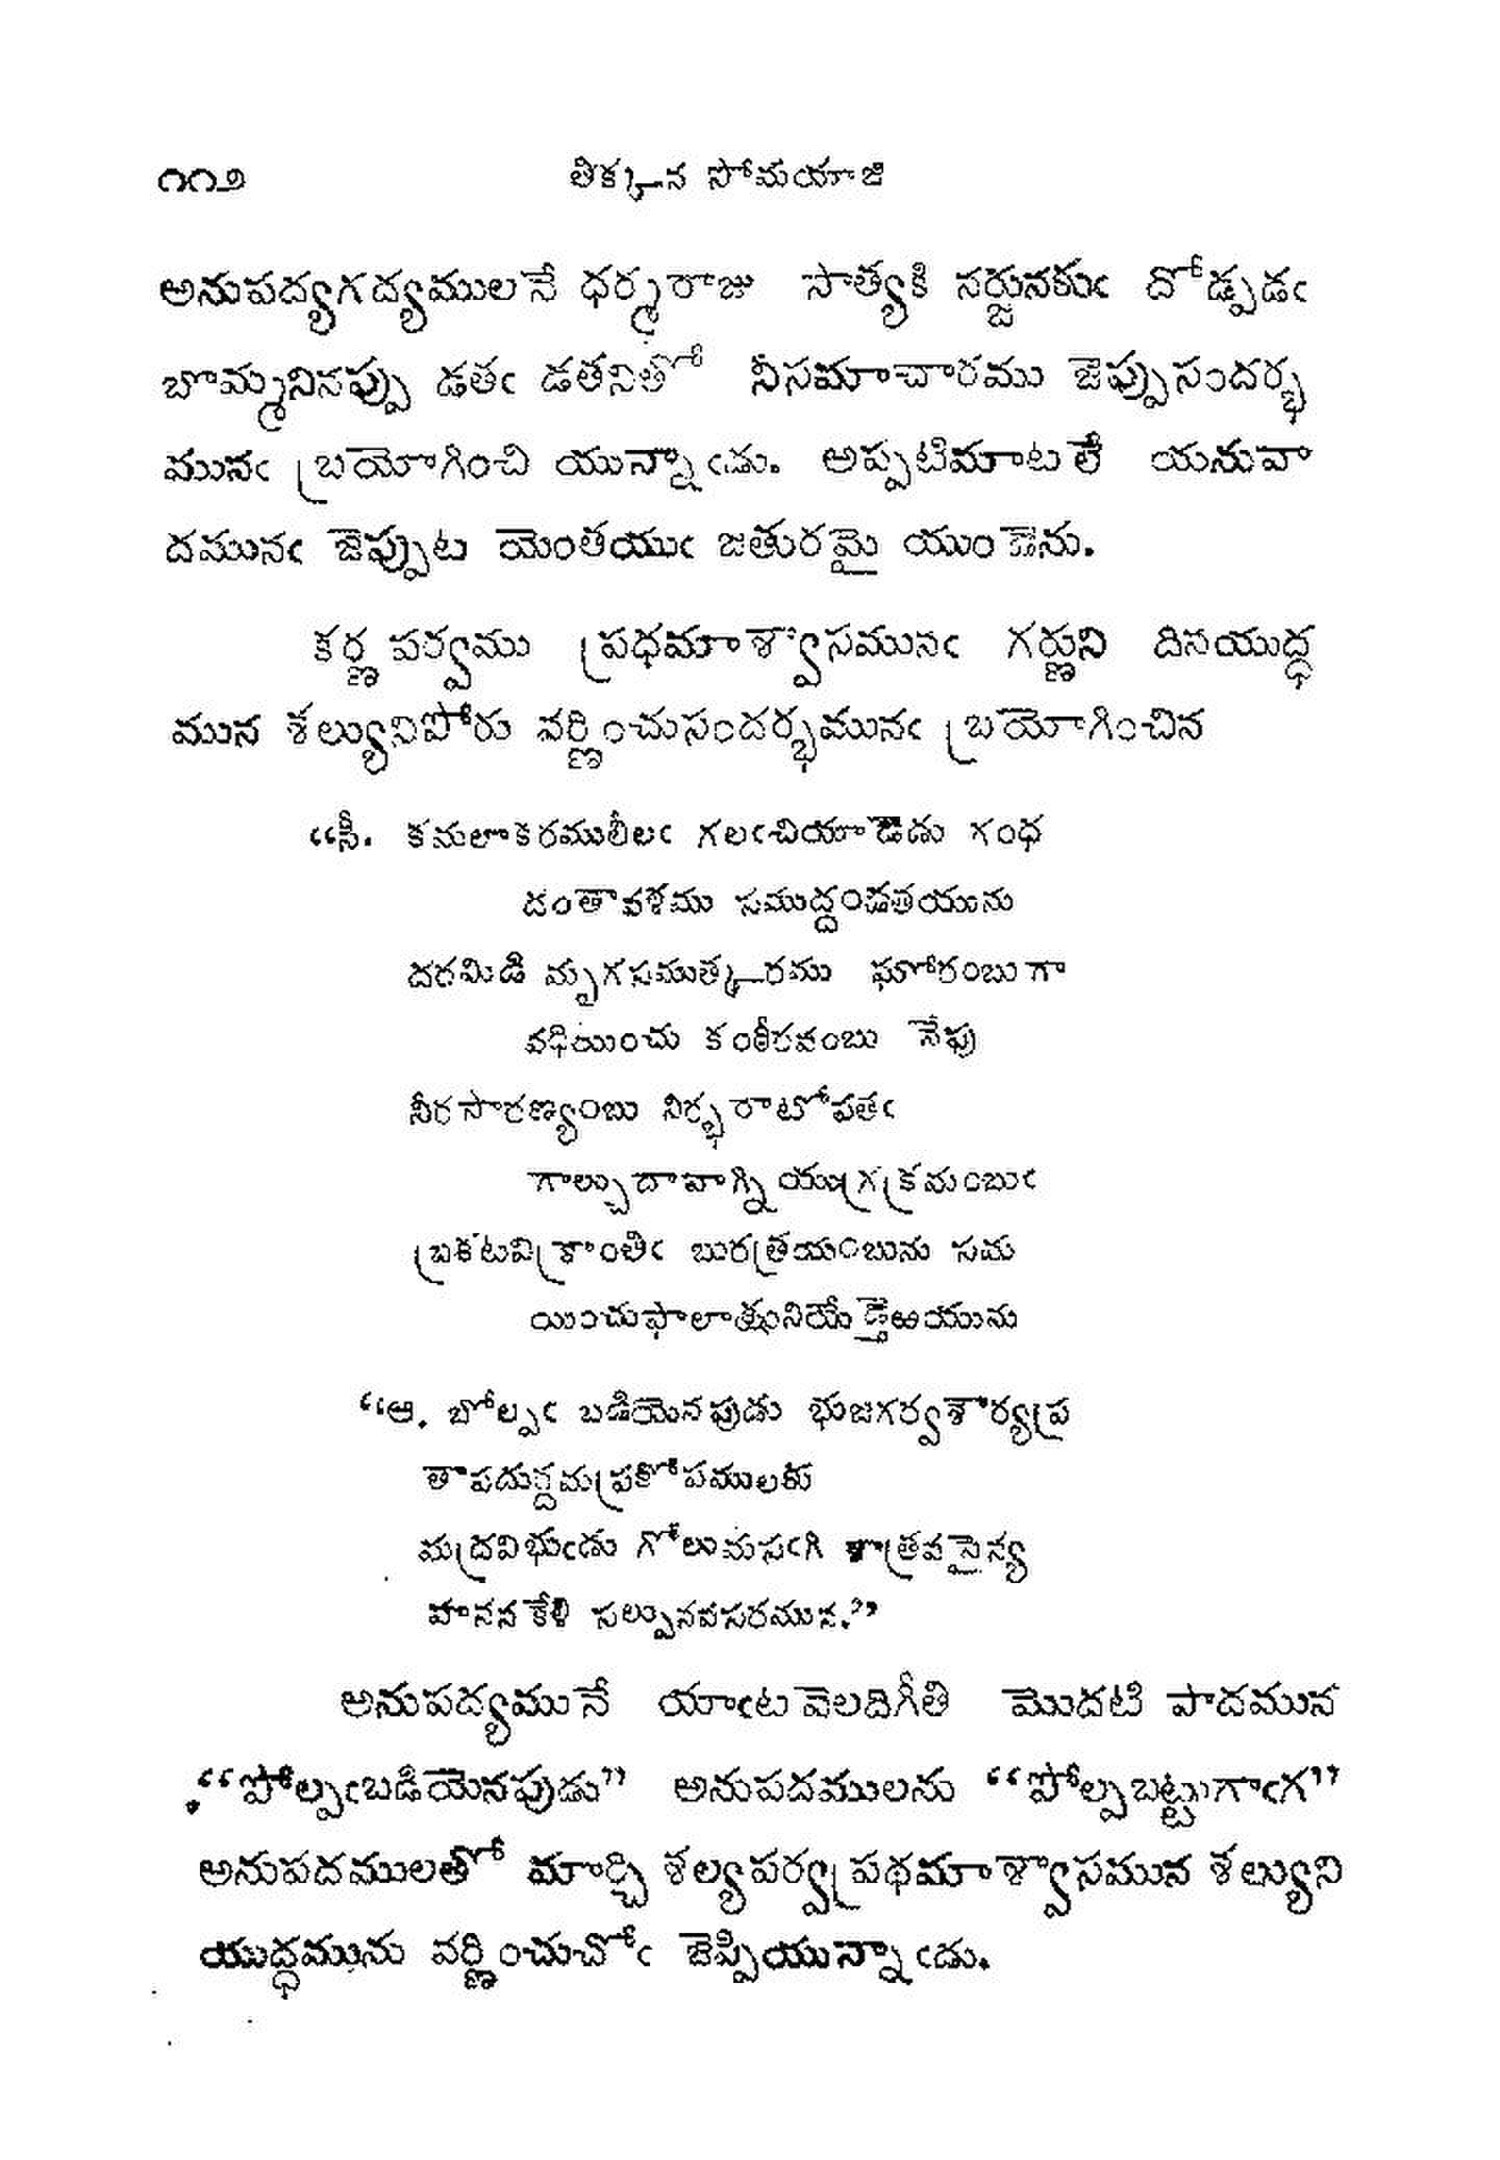అనుపద్యగద్యములనే ధర్మరాజు సాత్యకి నర్జునకుఁ దోడ్పడఁ బొమ్మనినప్పు డతఁ డతనితో నీసమాచారము జెప్పుసందర్భమునఁ బ్రయోగించి యున్నాఁడు. అప్పటిమాటలే యనువాదమునఁ జెప్పుట యెంతయుఁ జతురమై యుండెను.

కర్ణపర్వము ప్రథమాశ్వాసమునఁ గర్ణుని దినయుద్ధమున శల్యునిపోరు వర్ణించుసందర్భమునఁ బ్రయోగించిన 

"సీ. కమలాకరములీలఁ గలఁచియాడెడు గంధ
 దంతావళము సముద్దండతయును 
 దరమిడి మృగసముత్కరము ఘోరంబుగా
 వధియించు కంఠీరవంబు నేపు 
 నీరసారణ్యంబు నిర్భరాటోపతఁ
 గాల్చుదావాగ్నియుగ్రక్రమంబుఁ 
 బ్రకటవిక్రాంతిఁ బురత్రయంబును సమ
 యించుఫాలాక్షునియేడ్తెఱయును 

"ఆ. బోల్పఁ బడియెనపుడు భుజగర్వశౌర్యప్ర 
 తాపదుర్దమప్రకోపములకు 
 మద్రవిభుఁడు గోలుమసఁగి శాత్రవసైన్య
 హననకేళి సల్పునవసరమున.” 
అనుపద్యమునే యాఁటవెలదిగీతి మొదటి పాదమున "పోల్పఁబడియెనపుడు" అనుపదములను "పోల్పబట్టుగాఁగ" అనుపదములతో మార్చి శల్యపర్వప్రథమాశ్వాసమున శల్యుని యుద్ధమును వర్ణించుచోఁ జెప్పియున్నాఁడు.